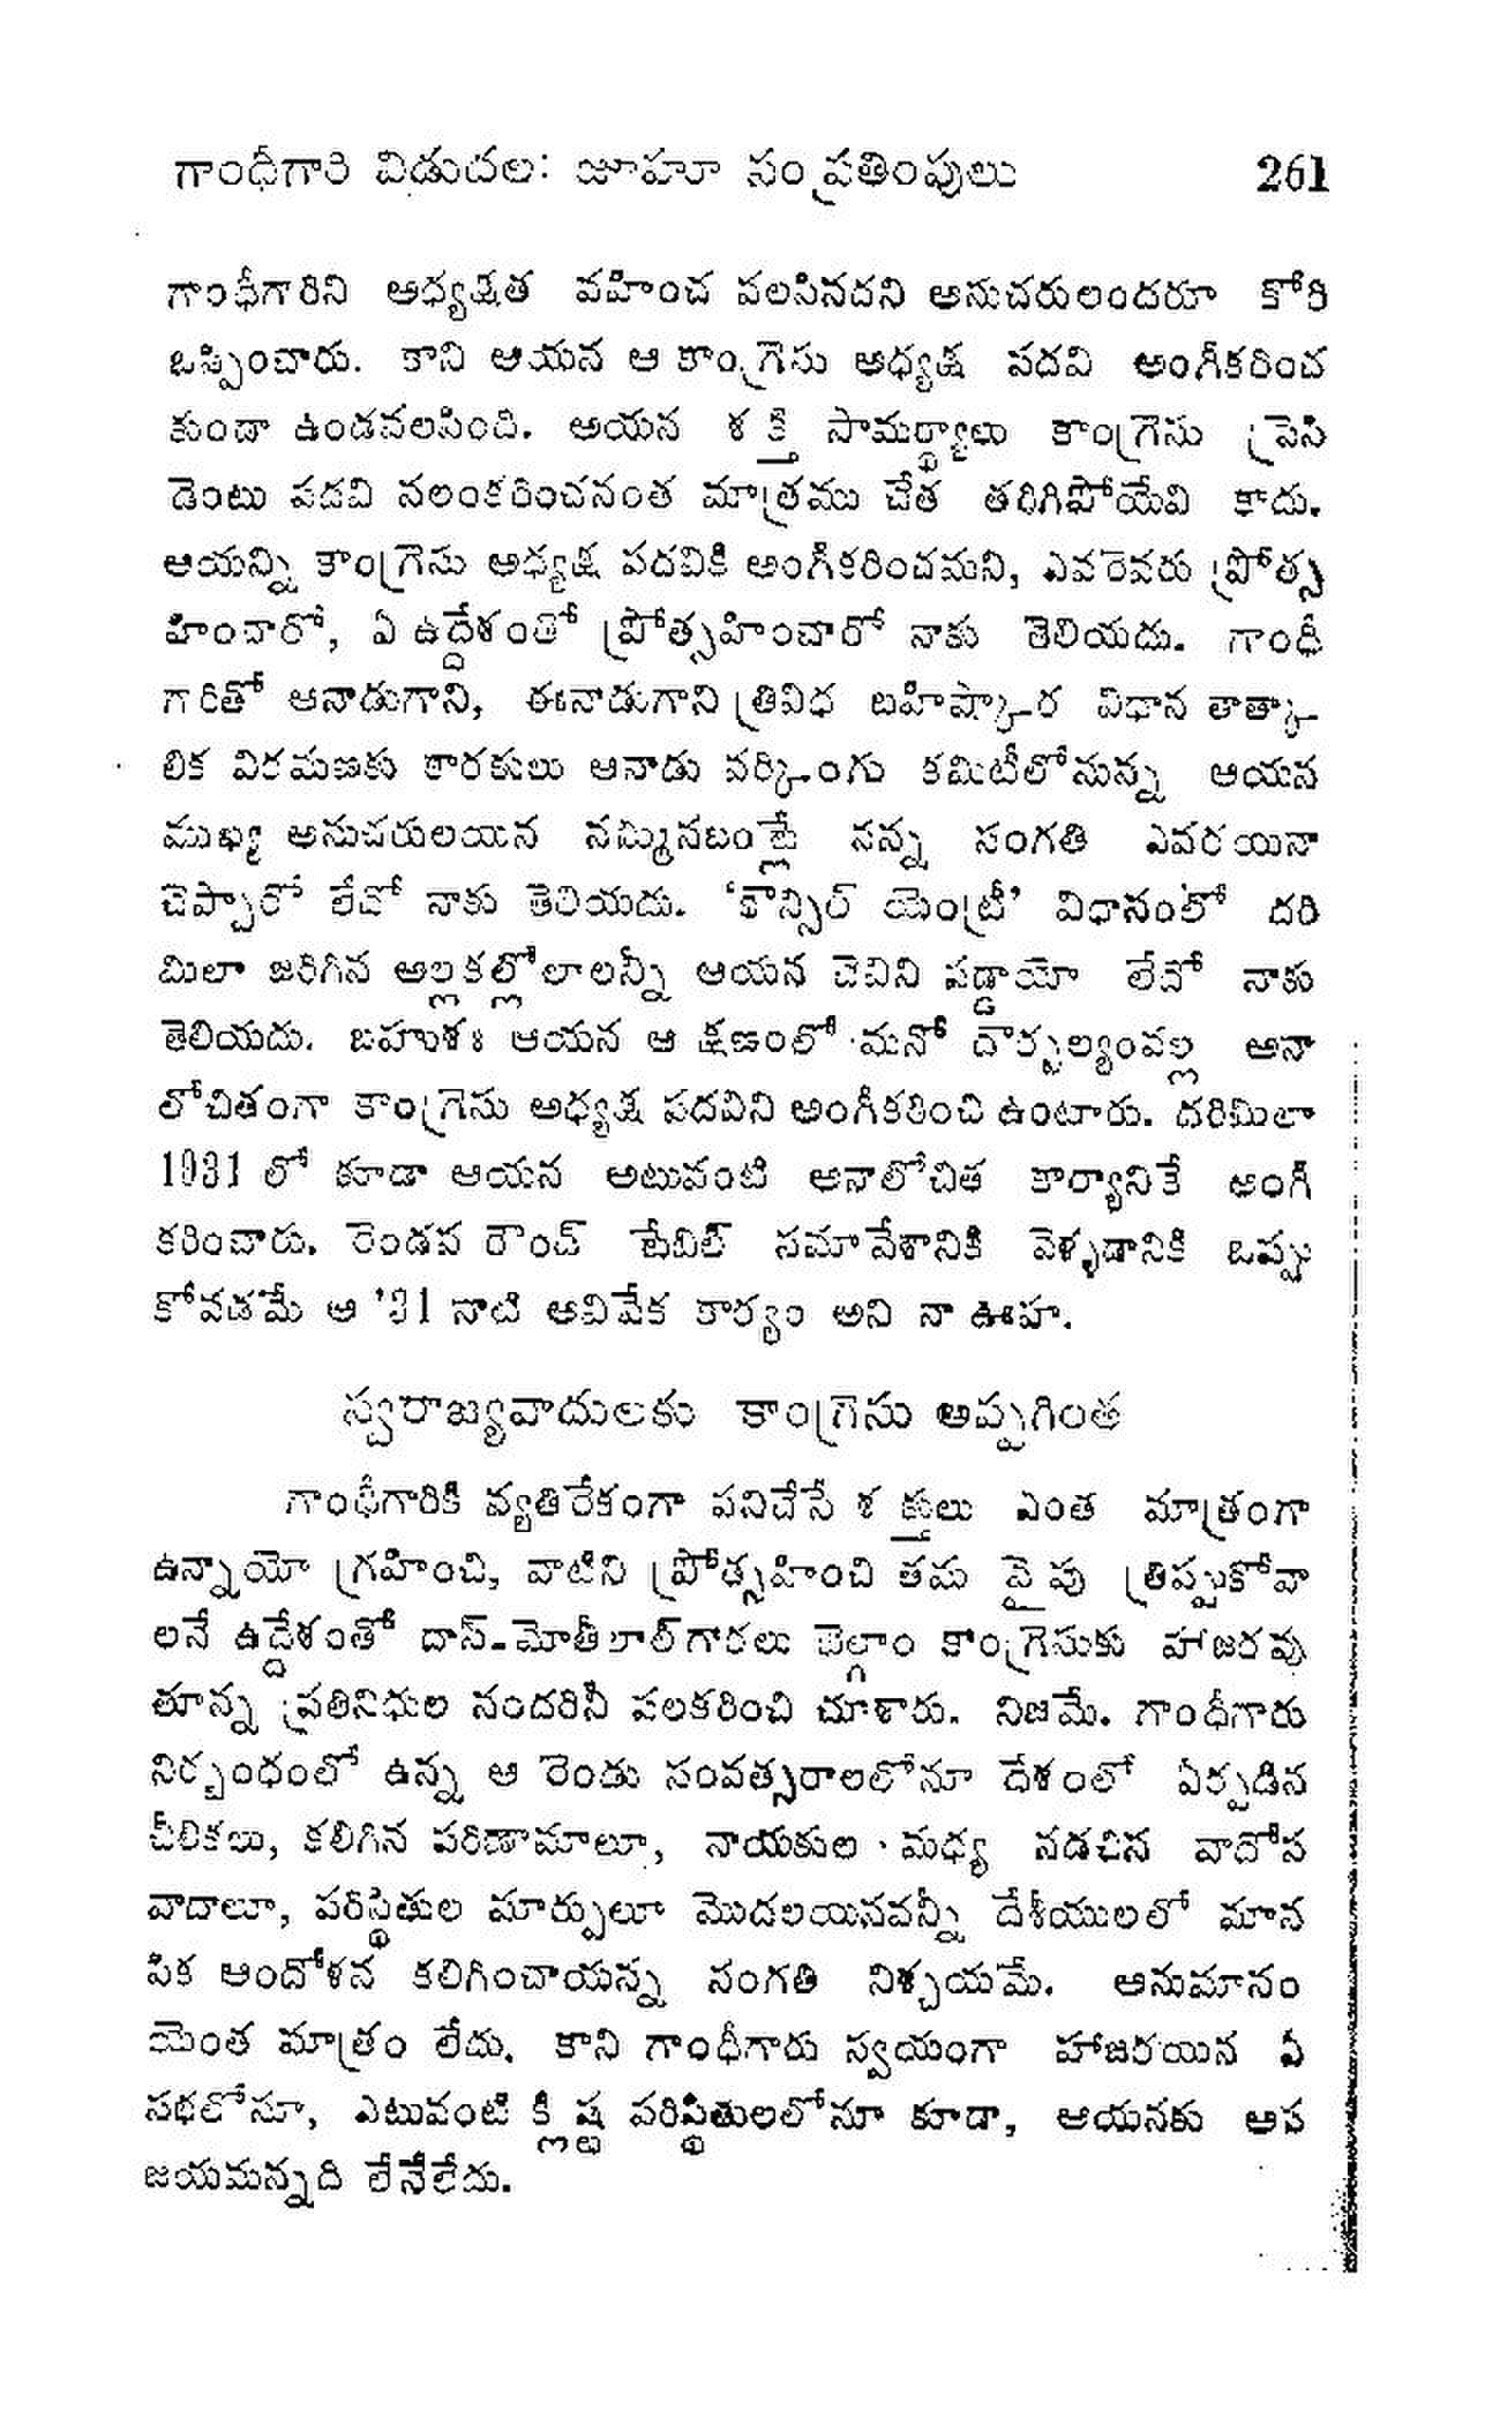గాంధీగారిని అధ్యక్షత వహించ వలసిందని అనుచరులందరూ కోరి ఒప్పించారు. కాని ఆయన ఆ కాంగ్రెసు అధ్యక్ష పదవి అంగీకరించకుండా ఉండవలసింది. ఆయన శక్తి సామర్థ్యాలు కాంగ్రెసు ప్రెసిడెంటు పదవి నలంకరించనంత మాత్రము చేత తరిగిపోయేవి కాదు. ఆయన్ని కాంగ్రెసు అధ్యక్ష పదవికీ అంగీకరించమని, ఎవరెవరు ప్రోత్సహించారో, ఏ ఉద్దేశంతో ప్రోత్సహించారో నాకు తెలియదు. గాంధీగారితో ఆనాడుగాని, ఈనాడుగాని త్రివిధ బహిష్కార విధాన తాత్కాలిక విరమణకు కారకులు ఆనాడు వర్కింగు కమిటీలో నున్న ఆయన ముఖ్య అనుచరులయిన నమ్మినబంట్లే నన్న సంగతి ఎవరయినా చెప్పారో లేదో నాకు తెలియదు. "కౌన్సిల్ యెంట్రీ" విధానంలో దరిమిలా జరిగిన అల్లకల్లోలాలన్నీ ఆయన చెవిని పడ్డాయో లేదో నాకు తెలియదు. బహుశ:ఆయన ఆ క్షణంలో మనో దౌర్బల్యంవల్ల అనాలోచితంగా కాంగ్రెసు అధ్యక్ష పదవిని అంగీకరించి ఉంటారు. దరిమిలా 1931 లో కూడా ఆయన అటువంటి అనాలోచిత కార్యానికే అంగీకరించారు. రెండవ రౌండ్ టేబిల్ సమావేశానికి వెళ్ళడానికి ఒప్పు కోవడమే ఆ 31 నాటి అవివేక కార్యం అని నా ఊహ.

గాంధీగారికి వ్యతిరేకంగా పనిచేసే శక్తులు ఎంత మాత్రంగా ఉన్నాయో గ్రహించి, వాటిని ప్రోత్సహించి తమ వైపు త్రిప్పుకోవాలనే ఉద్దేశంతో దాస్-మోతిలాల్‌గారలు బెల్గాం కాంగ్రెసుకు హాజరవుతూన్న ప్రతినిధుల నందరినీ పలకరించి చూశారు. నిజమే. గాంధీగారు నిర్భంధంలో ఉన్న ఆ రెండు సంవత్సరాలలోనూ దేశంలో ఏర్పడిన చీలికలు, కలిగిన పరిణామాలూ, నాయకుల మధ్య నడచిన వాదోప వాదాలూ, పరిస్థితుల మార్పులూ మొదలయినవన్నీ దేశీయులలో మానసిక ఆందోళన కలిగించాయన్న సంగతి నిశ్చయమే. అనుమానం యెంత మాత్రం లేదు. కాని గాంధీగారు స్వయంగా హాజరయిన ఏ సభలోనూ, ఎటువంటి క్లిష్ట పరిస్థితులలోనూ కూడా, ఆయనకు అపజయమన్నది లేనేలేదు.